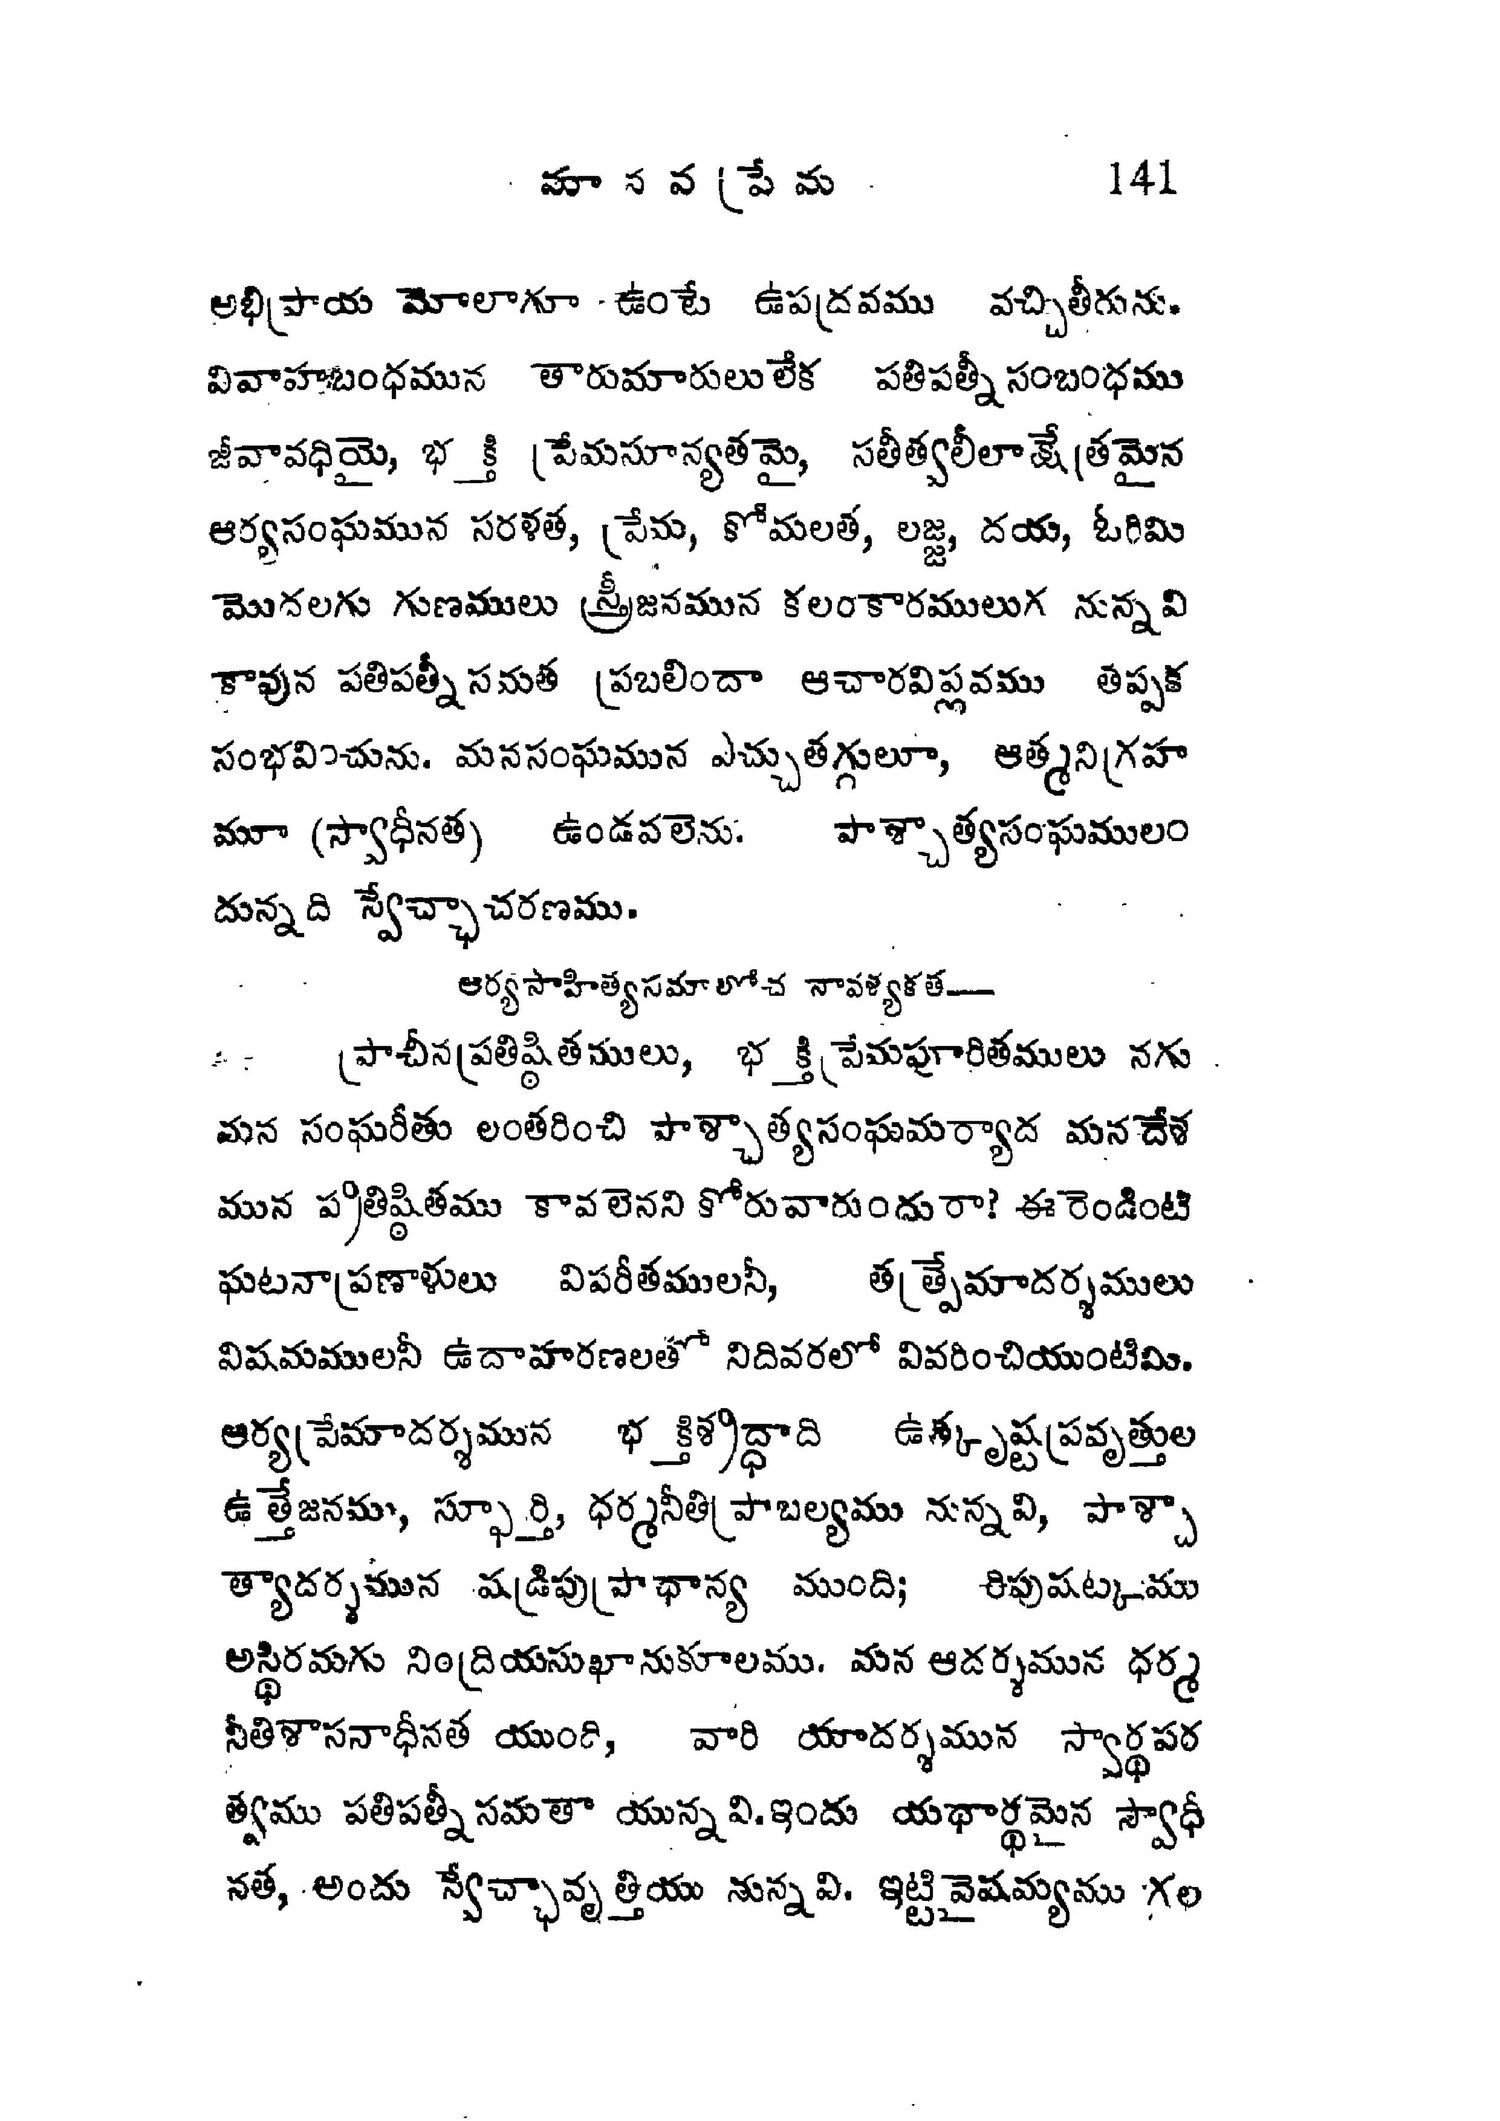అభిప్రాయ మోలాగూ ఉంటే ఉపద్రవము వచ్చితీరును. వివాహబంధమున తారుమారులులేక పతిపత్నీ సంబంధము జీవావధియై, భక్తి ప్రేమసూన్యతమై, సతీత్వలీలాక్షేత్రమైన ఆర్యసంఘమున సరళత, ప్రేమ, కోమలత, లజ్జ, దయ, ఓరిమి మొదలగు గుణములు స్త్రీజనమున కలంకారములుగ నున్నవి కావున పతిపత్నీసమత ప్రబలిందా ఆచారవిప్లవము తప్పక సంభవించును. మనసంఘమున ఎచ్చుతగ్గులూ, ఆత్మనిగ్రహమూ (స్వాధీనత) ఉండవలెను. పాశ్చాత్యసంఘములందున్నది స్వేచ్ఛాచరణము.

ప్రాచీనప్రతిష్ఠితములు, భక్తిప్రేమపూరితములు నగు మన సంఘరీతు లంతరించి పాశ్చాత్యసంఘమర్యాద మనదేశమున ప్రతిష్ఠితము కావలెనని కోరువారుందురా? ఈరెండింటి ఘటనాప్రణాళులు విపరీతములనీ, తత్ప్రేమాదర్శములు విషమములనీ ఉదాహరణలతో నిదివరలో వివరించియుంటిమి. ఆర్యప్రేమాదర్శమున భక్తిశ్రద్ధాది ఉత్కృష్టప్రవృత్తుల ఉత్తేజనము, స్పూర్తి, ధర్మనీతిప్రాబల్యము నున్నవి, పాశ్చాత్యాదర్శమున షడ్రిపుప్రాధాన్య ముంది; రిపుషట్కము అస్థిరమగు నింద్రియసుఖానుకూలము. మన ఆదర్శమున ధర్మ నీతిశాసనాధీనత యుంది, వారి యాదర్శమున స్వార్థపరత్వము పతిపత్నీ సమతా యున్నవి. ఇందు యథార్థమైన స్వాధీనత, అందు స్వేచ్ఛావృత్తియు నున్నవి. ఇట్టివైషమ్యము గల